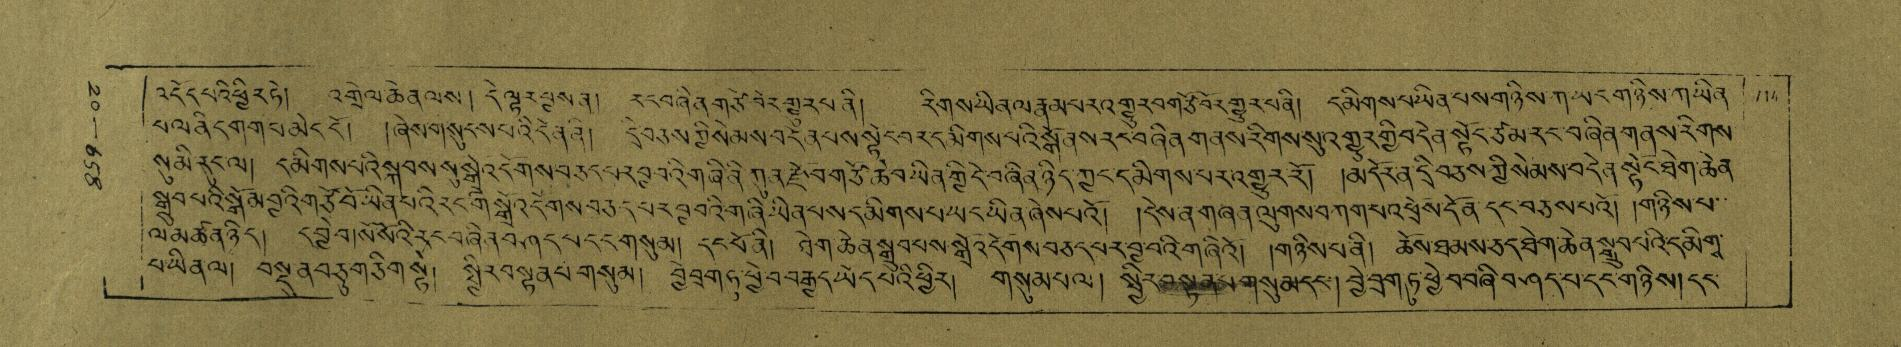འདོད་པའི་ཕྱིར་ཏེ། འགྲེལ་ཆེན་ལས། དེ་ལྟར་བྱས་ན། རང་བཞིན་གཙོ་བོར་གྱུར་པ་ནི། རིགས་ཡིན་ལ་རྣམ་པར་འགྱུར་བ་གཙོ་བོར་གྱུར་པ་ནི། དམིགས་པ་ཡིན་པས་གཉིས་ཀ་ཡང་གཉིས་ཀ་ཡིན་
པ་ལ་ནི་དགག་པ་མེད་དོ། །ཞེས་གསུངས་པའི་དོན་ནི། དྲི་བཅས་ཀྱི་སེམས་བདེན་པས་སྟོང་བར་དམིགས་པའི་སྒོ་ནས་རང་བཞིན་གནས་རིགས་སུ་འགྱུར་གྱི་བདེན་སྟོང་ཙམ་རང་བཞིན་གནས་རིགས་
སུ་མི་རུང་ལ། དམིགས་པའི་སྐབས་སུ་སྒྲོ་འདོགས་བཅད་པར་བྱ་བའི་གཞི་ནི་ཀུན་རྫོབ་གཙོ་ཆེ་བ་ཡིན་གྱི་དེ་བཞིན་ཉིད་ཀྱང་དམིགས་པར་འགྱུར་རོ། །མདོར་ན་དྲི་བཅས་ཀྱི་སེམས་བདེན་སྟོང་ཐེག་ཆེན་
སྒྲུབ་པའི་སྒོམ་བྱའི་གཙོ་བོ་ཡིན་པའི་རང་གི་སྒྲོ་འདོགས་བཅད་པར་བྱ་བའི་གཞི་ཡིན་པས་དམིགས་པ་ཡང་ཡིན་ཞེས་པའོ། །དེས་ན་གཞན་ལུགས་བཀག་པ་འཕྲོས་དོན་དང་བཅས་པའོ། །གཉིས་པ་
ལ་མཚན་ཉིད། དབྱེ་བ། སོ་སོའི་རང་བཞིན་བཤད་པ་དང་གསུམ། དང་པོ་ནི། ཐེག་ཆེན་སྒྲུབ་པས་སྒྲོ་འདོགས་བཅད་པར་བྱ་བའི་གཞིའོ། །གཉིས་པ་ནི། ཆོས་ཐམས་ཅད་ཐེག་ཆེན་སྒྲུབ་པའི་དམིགས་
པ་ཡིན་ལ། བསྡུ་ན་བཅུ་གཅིག་སྟེ། སྤྱིར་བསྟན་པ་གསུམ། བྱེ་བྲག་ཏུ་ཕྱག་བ་བརྒྱད་ཡོད་པའི་ཕྱིར། གསུམ་པ་ལ། སྤྱིར་བསྟན་པ་གསུམ་དང་། བྱེ་བྲག་ཏུ་ཕྱེ་བ་བཞི་བཤད་པ་དང་གཉིས། དང་